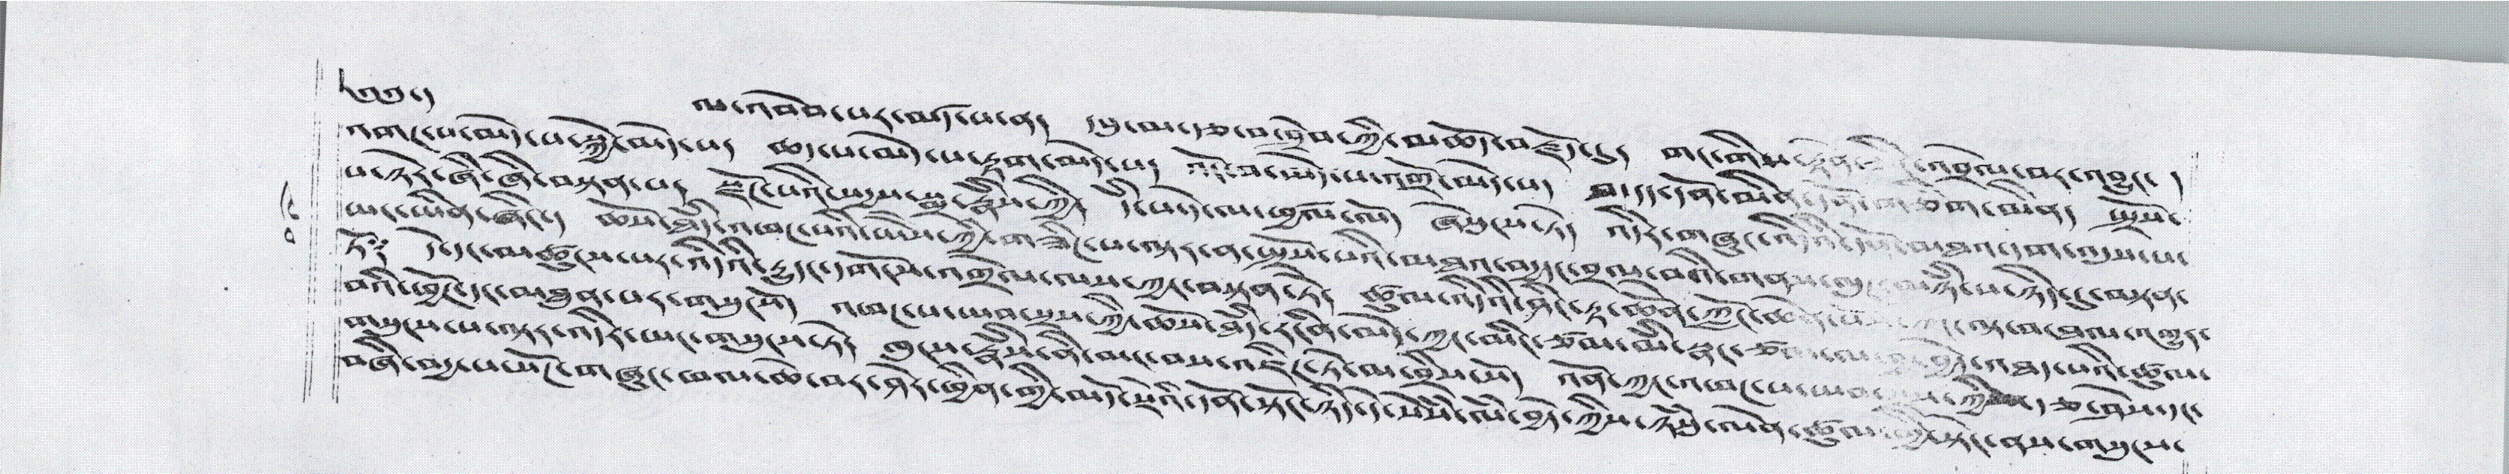ལ་འབེབས་པར་མཛད་པ་ན། དབུ་མ་རྩ་བ་ཤེས་རབ་ཀྱི་མཆོད་བརྗོད་དུ། གང་གིས་རྟེན་ཅིང་འབྲེལ་བར་འབྱུང་། 
འགག་པ་མེད་པ་སྐྱེ་མེད་པ། ཆད་པ་མེད་པ་རྟག་མེད་པ། འོང་བ་མེད་པ་འགྲོ་མེད་པ། ཐ་དད་དོན་མིན་དོན་གཅིག་མིན། སྤྲོས་
པ་ཉེར་ཞི་ཞི་བསྟན་པ། རྫོགས་པའི་སངས་རྒྱས་སྨྲ་རྣམས་ཀྱི། དམ་པ་དེ་ལ་ཕྱག་འཚལ་ལོ། ཞེས་གསུངས་ཏེ། འདིར་གཞུང་འདིའི་དོན་མཐའ་དག་འདུས་པ་
ཡང་ཡིན་ཞིང་། ཆོས་ཐམས་ཅད་འཕགས་པའི་ཡེ་ཤེས་ཀྱིས་གཟིགས་པ་ལྟར་ན་སྤྲོས་པའི་མཐའ་བརྒྱད་དང་བྲལ་བའི་གནས་ལུགས་མཉམ་པ་ཉིད་དུ་བསྟན་
ཏོ། དེ་དང་མཚུངས་པར་འདིའི་རྒྱུད་དང་དགོངས་འགྲེལ་ལས་ཀྱང་བསྟན་ཏེ། ཚུལ་འདིའི་ཤིང་རྟ་ཆེན་པོ་ཀློང་ཆེན་པོས་ཀྱང་ལྟ་བ་ཐལ་འགྱུར་
བའི་ཕྱོགས་དང་མཐུན་པར་གསུངས་སོ། འཕགས་པ་ཡབ་སྲས་ཀྱིས་ཆོས་ཐམས་ཅད་རང་བཞིན་མེད་ཀྱང་མིང་ཙམ་མམ་སྣང་ཙམ་ལ་བྱ་བྱེད་འཐད་པའི་ཚུལ་
གསུངས་པ་ལྟར་འདིར་ཡང་གསུངས་ཏེ། ཁུངས་རྣམས་ནི་མང་བས་འཇིགས་ཏེ་མ་བྲིས་སོི། འོན་ཀྱང་འཕགས་པ་ཡབ་སྲས་ཀྱིས་རྩ་ཤེས་དང་
བཞི་བརྒྱ་པ་སོགས་གཞུང་ཕལ་ཆེ་བར་ཤེར་ཕྱིན་གྱི་མདོ་སྡེའི་དོན་སྟོང་ཉིད་དེ་སེམས་ལམ་བྱེད་ཀྱིས་ཉམས་སུ་ལེན་ཚུལ་གྱི་སྟེང་ནས་གསུངས་